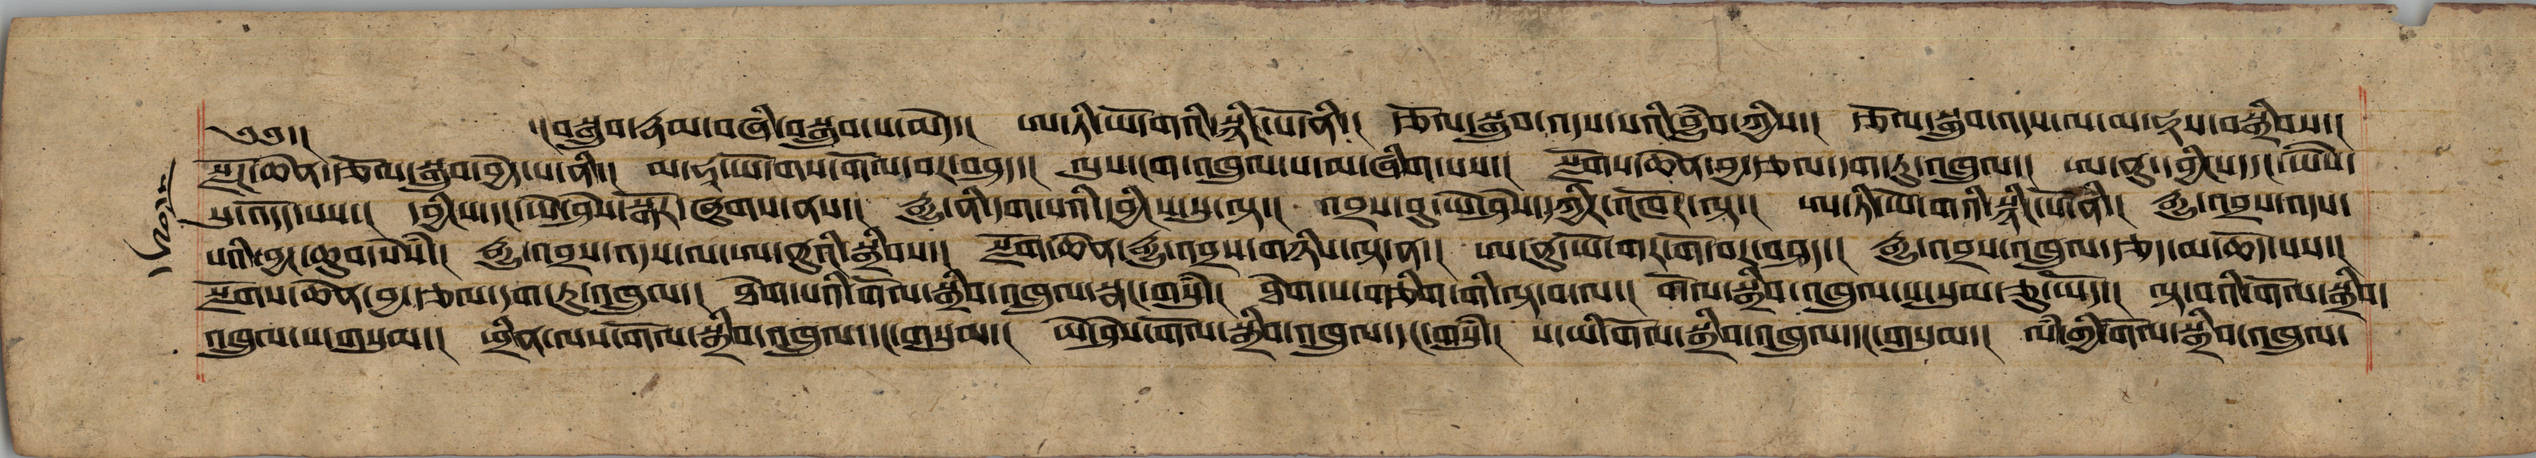༄༅་། ་།བསྒྲུབ་རྣམ་བཞི་བསྒྲུབ་པ་མེད་། ཨ་ཏི་ཡོ་གའི་སྙིང་པོ་ནི་། རྩོལ་སྒྲུབ་འདས་པའི་བྱུཾབ་ཀྱིས་། རྩོལ་སྒྲུབ་འདས་ལ་མ་ཧཱས་བསྒྲིབས་།
སྫོཌ་ཆེན་རྩོལ་སྒྲུབ་བྱེད་པ་ནི་། མ་ཧཱ་ཡོ་གས་གོལ་བར་བཤད་། ལུས་ངག་འཁྲུལ་པ་མ་ཞིག་པས་། སྫོགས་ཆེན་བྱ་རྩལ་དག་ཏུ་འཁྲུལ་། ཨ་ནུ་དབྱིངས་དང་ཡཻས་
སུ་འདོད་པས་། དབྱིངས་དང་ཡེ་ཤེས་སྒོར་ཞུགས་ནས་། རྒྱུ་ནི་དག་པའི་དབྱིངས་སུ་ལྟ་། འབྲས་བུ་ཡེ་ཤེས་དཀྱིལ་འཁོར་ལྟ་། ཨ་ཏི་ཡོ་གའི་སྙིང་པོ་ནི་། རྒྱུ་འབྲས་འདས་
པའི་བྱང་ཆུབ་སེཾས་། རྒྱུ་འབྲས་འདས་ལ་ཨ་ནུའི་སྒྲིབས་། སྫོག་ཆེན་རྒྱུ་འབྲས་གཉིས་ལྟ་ན་། ཨ་ནུ་ཡོ་གར་གོ་བར་བཤད་། རྒྱུ་འབྲས་འཁྲུལ་རྩད་མ་ཆོད་པས་།
སྫོགས་ཆེན་བྱ་རྩལ་དག་ཏུ་འཁྲུལ་། ཐེག་པའི་གོལ་སྒྲིབ་འཁྲུལ་སྣང་གསུཾ་། ཐེག་པ་གཅིག་གི་ལྟ་བ་ལ་། གོལ་སྒྲིབ་འཁྲུལ་པ་སུམ་ཅུ་ཡོད་། ལྟ་བའི་གོལ་སྒྲིབ་
འཁྲུལ་པ་གསུམ་། ཕྲིན་ལས་གོལ་སྒྲིབ་འཁྲུལ་དང་གསུམ་། ཡེ་ཤེས་གོལ་སྒྲིབ་འཁྲུལ་དང་གསུཾ་། ས་ཡི་གོལ་སྒྲིབ་འཁྲུལ་དང་གསུམ་། ལཾ་གྱི་གོལ་སྒྲིབ་འཁྲུལ་